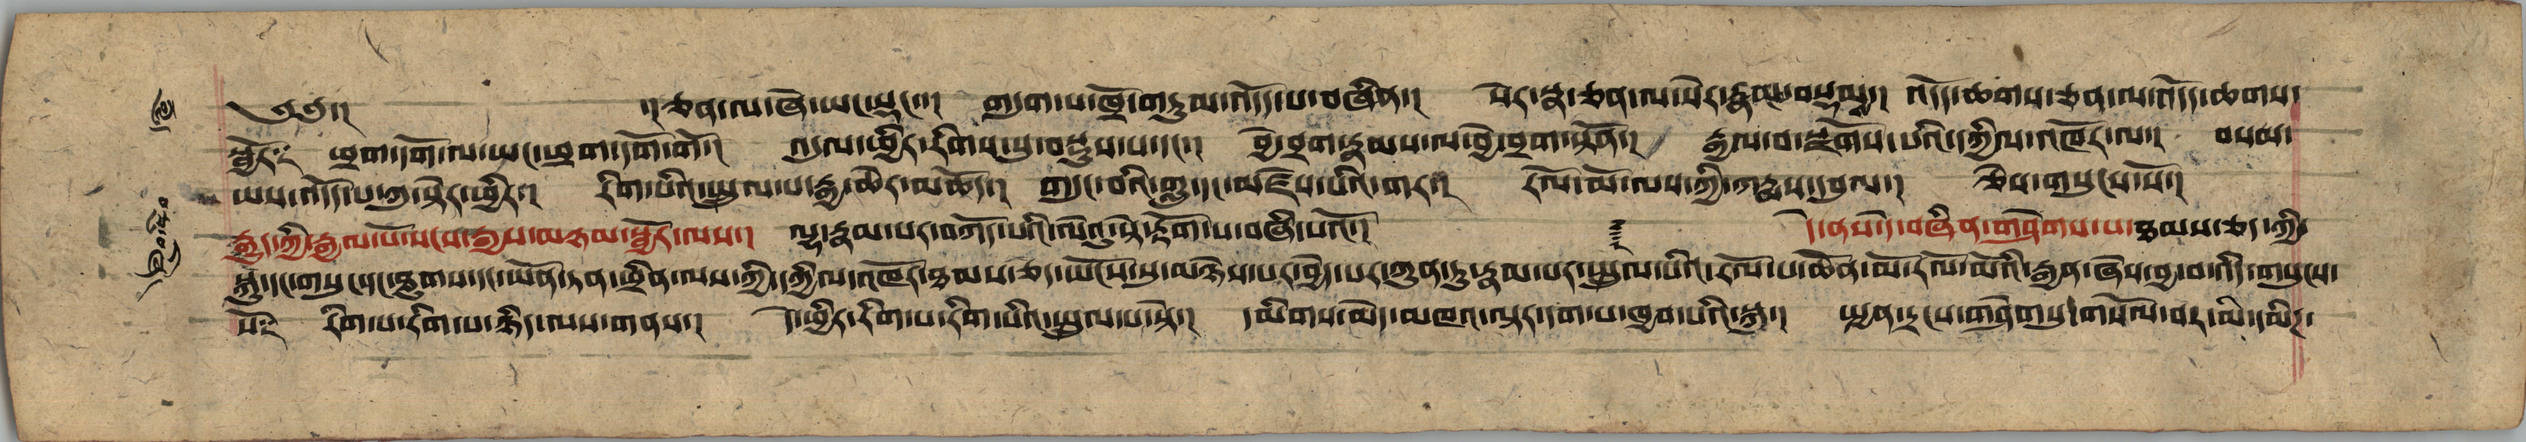༄༅་། ་།ཅན་ལ་ཞེ་ཡང་སྡང་་། གདུག་པ་ཁྲོ་གཏུམ་འདོད་པ་བཞིན་། སེར་སྣ་ཅན་ལ་སེར་རྣམ་བསྡམས་། འདོད་ཆགས་ཅན་ལ་འདོད་ཆགས་
སྦྱོར༑ ཕྲག་དོག་ལ་སྤང་ཕྲག་དོག་གོ་། འདུལ་ཕྱིར་རིགས་སུ་བསྡུས་པ་དང་། བྱེ་བྲག་རྣམས་ལ་བྱེ་བྲག་བསྟོན་། རྒྱལ་བ་སྫོགས་པའི་དཀྱིལ་འཁོར་ལ་། བསམ་
ཡས་འདོད་པ་ཀུ་སྟེར་ཕྱིར་། རིག་པའི་སྤྲུལ་པ་རྒྱ་ཆེར་མཆོད་། གདུང་བའི་གླུ་དང་མཛེས་པའི་གར་། རོལ་མོ་ལས་ཀྱི་ཀརྨས་དབུལ་། ཅེས་གསུངས་སོ་།
རྒྱུད་ཀྱི་རྒྱལ་པོ་སངས་རྒྱས་མཉམ་སྦྱོར་ལས་། ལྷ་རྣམ་པར་བཀོད་པའི་ལེའུ་སྟེ་རྟོག་པ་བཞི་པའོ་། ࿑ དེ་ནས་དེ་བཞིན་གཤེགས་པ་ཐམས་ཅད་ཀྱི་
སྐུ་དང་གསུང་དང་ཐུགས་དང་ཡོན་ཏནཕྲིན་ལས་ཀྱི་དཀྱིལ་འཁོར་ཐམས་ཅད་ཡོངས་སུ་མཉེས་པར་བྱེད་པར་ཀུན་ཏུ་རྣམ་པར་སྤྲུལ་པའི་རོལ་པ་ཆེན་མོ་རོལ་མོའི་རྒྱན་ཞེས་བྱ་བ་འདི་གསུངས་
ས༑ རིག་པ་རིག་པ་ཉིད་ལས་གནས་། དེ་ཕྱིར་རིག་པ་རིག་པའི་སྤྲུལ་པ་སྟེ་། དམིགས་མེད་མཁའ་ལྟར་དག་པ་ཁྱབ་པའི་སྐུ་། སྤྱན་དྲངས་གཤེགསུ་གསོལ་བར་མི་དམིཌ་